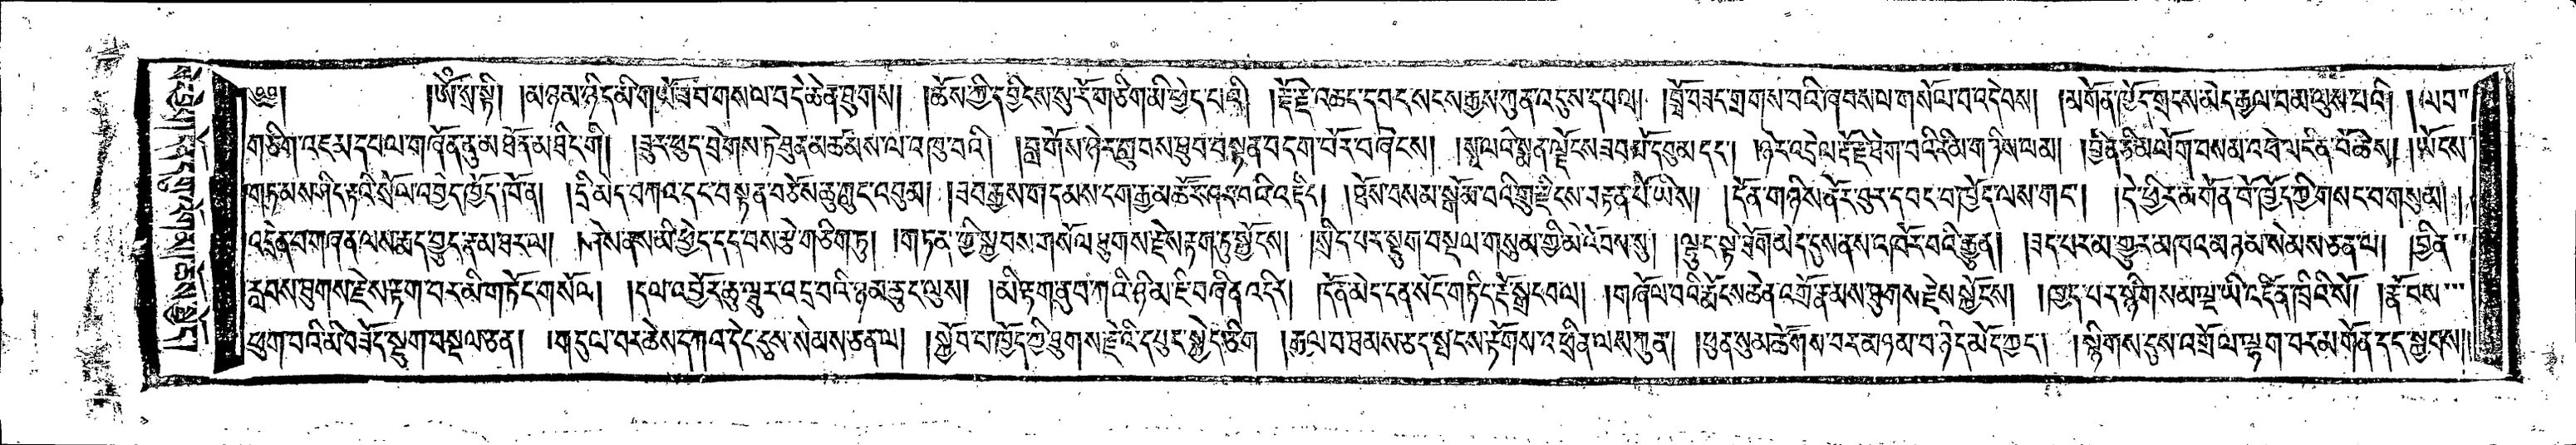༄༅། །ཨོཾ་སྲ་སྟི། །མཉམ་ཉིད་མི་གཡོ་ཟབ་གསལ་བདེ་ཆེན་ཐུགས། །ཆོས་ཀྱི་དབྱིངས་སུ་རོ་གཅིག་མི་ཕྱེད་པའི། །རྡོ་རྗེ་འཆང་དབང་སངས་རྒྱས་ཀུན་འདུས་དཔལ། །བློ་བཟང་གྲགས་པའི་ཞབས་ལ་གསོལ་བ་འདིབས། །མགོན་ཁྱོད་གྲངས་མེད་རྒྱལ་བ་མ་ལུས་པའི། །ལབ་
གཅིག་འཇམ་དཔལ་གཞོན་ནུ་མཐོན་མཐིང་གི། །ཟུར་ཕུད་བྲེགས་ཏེ་ཐུན་མཚམས་ལ་འཁུ་བའི། །བླ་གོས་ཉེར་ཀླུབས་ཐུབ་བསྟན་བདག་པོར་བཞེངས། །སཱ་ལའི་སྨན་ལྗོངས་ཟབ་མོ་དབུ་མ་དང་། །ཉེར་འདྲེལ་རྡོ་རྗེ་ཐེག་པའི་རིམ་གཉིས་ལམ། །བྱིན་ཅི་མ་ལོག་བསམ་འཕེལ་རིན་པོ་ཆེས། །ཡོངས་
གཏམས་ཤིང་རྟའི་སྲོལ་འབྱེད་ཁྱོད་ཁོ་ན། །དྲི་མེད་བཀའ་དང་བསྟན་བཅོས་ཆུ་ཀླུང་འབུམ། །ཟབ་རྒྱས་གདམས་ངག་རྒྱ་མཚོར་ཤར་བའི་འཇིང་། །ཐོས་བསམ་སྒོམ་པའི་གྲུ་རྫིངས་བརྟན་པོ་ཡིས། །དོན་གཉིས་ནོར་བུར་དབང་བ་ཁྱོད་ལས་གང་། །དེ་ཕྱིར་མགོན་པོ་ཁྱོད་ཀྱི་གསང་བ་གསུམ། །
འདྲེན་བ་གཞན་ལས་རྨད་བྱུང་རྣམ་ཐར་ལ། །ཤེས་ནས་མི་ཕྱེད་དད་བས་རྩེ་གཅིག་ཏུ། །གཏན་གྱི་སྐྱབས་གསོལ་ཐུགས་རྗེས་རྟག་ཏུ་སྐྱོངས། །སྲིད་པར་སྡུག་བསྔལ་གསུམ་གྱི་མེའོ་བས་སུ། །ལྷུང་སྟེ་ཐོག་མེད་དུས་ནས་འཁོར་བའི་རྒྱུན། །ཟད་པར་མ་གྱུར་མཁའ་མཉམ་སེམས་ཅན་ལ། །བྱིན་
རླབས་ཐུགས་རྗེས་རྟག་པར་མི་གཏོང་གསོལ། །དལ་འབྱོར་ཆུ་ལྦུར་འདྲ་བའི་ཉམ་ཆུང་ལུས། །མི་རྟག་ནུབ་ཀའི་ཉི་མ་ཇི་བཞིན་འདིར། །དོན་མེད་ངན་སོང་གཏིད་རྡོ་སྒྲང་བ་ལ། །གཞོལ་བའི་རྨོངས་ཆེན་འགྲོ་རྣམས་ཐུགས་རྗེས་སྐྱོངས། །ཁྱད་པར་སྙི་གསམ་ལྔ་ཡི་འཛིན་ཁྲིའི་སོ། །རྣོ་བས་
ཕུག་པའི་མི་བཟོད་སྡུག་བསྔལ་ཅན། །གདུལ་བར་ཆེས་དཀའ་དེང་དུས་སེམས་ཅན་ལ། །སྐྱོབ་པ་ཁྱོད་ཀྱི་ཐུགས་རྗེའི་དཔུང་སྐྱེད་ཅིག །རྒྱལ་བ་ཐམས་ཅད་སྤངས་རྟོགས་འཕྲིན་ལས་ཀུན། །ཕུན་སུམ་ཚོགས་བར་མཉམ་བ་ཉིད་མོད་ཀྱང་། །སྙིགས་དུས་འགྲོལ་ལྷག་བར་མགོན་དང་སྐྱབས། །